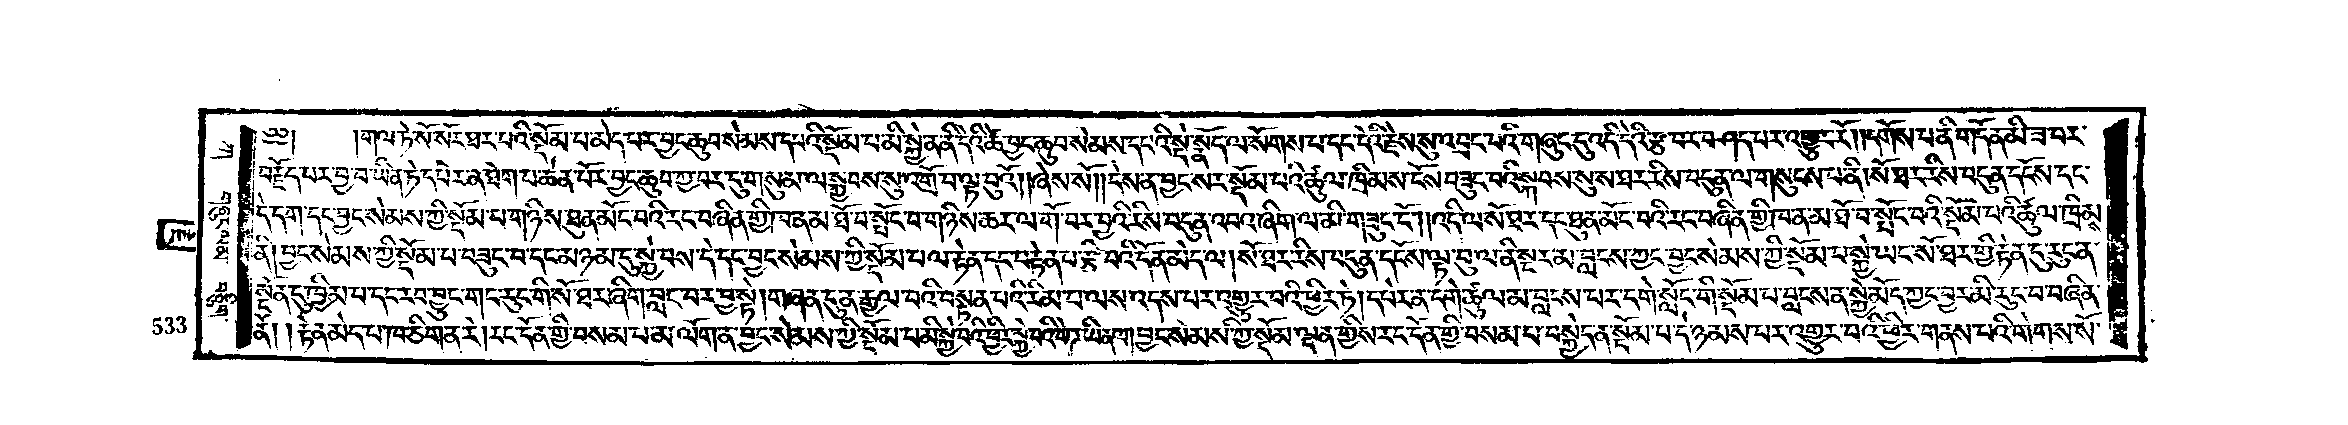༄༅། །གལ་ཏེ་སོ་སོར་ཐར་པའི་སྡོམ་པ་མེད་པར་བྱང་ཆུབ་སེམས་དཔའི་སྡོམ་པ་མི་སྐྱེ་ན་ནི་དེའི་ཚེ་བྱང་ཆུབ་སེམས་དཔའི་སྡེ་སྣོད་ལ་སོགས་པ་དང་དེའི་རྗེས་སུ་འབྲང་པའི་གཞུང་དུ་འདི་དེའི་རྩ་བར་བཤད་པར་འགྱུར་རོ། །དགོས་པ་ནི་གདོན་མི་ཟ་བར་
བརྗོད་པར་བྱ་བ་ཡིན་ཏེ་དཔེར་ན་ཐེག་པ་ཆེན་པོར་བྱང་ཆུབ་ཀྱ་བར་དུ་གསུམ་ལ་སྐྱབས་སུ་འགྲོ་བ་ལྟ་བུའོ། །ཞེས་སོ། །དེས་ན་བྱང་སར་སྡོམ་པའི་ཚུལ་ཁྲིམས་ངོས་བཟུང་བའི་སྐབས་སུ་ས་ཐར་རིས་བདུན་ལ་གསུངས་པ་ནི། སོ་ཐར་རིས་བདུན་དངོས་དང་
དེ་དག་དང་བྱང་སེམས་ཀྱི་སྡོམ་པ་གཉིས་ཐུན་མོང་བའི་རང་བཞིན་གྱི་ཁ་ན་མ་ཐོ་བ་སྤོང་བ་གཉིས་ཆར་ལ་གོ་བར་བྱའི་རིས་བདུན་འབའ་ཞིག་ལ་མི་གཟུང་ངོ། །འདི་ལ་སོ་ཐར་དང་ཐུན་མོང་བའི་རང་བཞིན་གྱི་ཁ་ན་མ་ཐོ་བ་སྤོང་བའི་སྡོམ་པའི་ཚུལ་ཁྲིམས་
ནི། བྱང་སེམས་ཀྱི་སྡོམ་པ་བཟུང་བ་དང་མཉམ་དུ་སྐྱེ་བས་དེ་དང་བྱང་སེམས་ཀྱི་སྡོམ་པ་ལ་རྟེན་དང་བརྟེན་པ་རྩི་བའི་དོན་མེད་ལ། སོ་ཐར་རིས་བདུན་དངོས་ལྟ་བུ་ལ་ནི་སྔར་མ་བླངས་ཀྱང་བྱང་སེམས་ཀྱི་སྡོམ་པ་སྐྱེ་ཡང་སོ་ཐར་གྱི་རྟེན་དུ་རུང་ན་
སྔོན་དུ་ཁྱིམ་པ་དང་རབ་བྱུང་གང་རུང་གི་སོ་ཐར་ཞིག་བླང་བར་བྱ་སྟེ། གཞན་དུ་ན་རྒྱལ་བའི་བསྟན་པའི་རིམ་པ་ལས་འདས་པར་འགྱུར་བའི་ཕྱིར་ཏེ། དཔེར་ན་དགེ་ཚུལ་མ་བླངས་པར་དགེ་སློང་གི་སྡོམ་པ་བླངས་ན་སྐྱེ་མོད་ཀྱང་བྱར་མི་རུང་བ་བཞིན་
ནོ། །རྟེན་མེད་པ་ཁ་ཅིག་ན་རེ། རང་དོན་གྱི་བསམ་པ་མ་ལོག་ན་བྱང་སེམས་ཀྱི་སྡོམ་པ་མི་སྐྱེ་བའི་ཕྱིར་སྐྱེ་བའི་གེགས་ཡིན་ལ། བྱང་སེམས་ཀྱི་སྡོམ་ལྡན་གྱིས་རང་དོན་གྱི་བསམ་པ་བསྐྱེད་ན་སྡོམ་པ་དེ་ཉམས་པར་འགྱུར་བའི་ཕྱིར་གནས་པའི་གེགས་སོ་